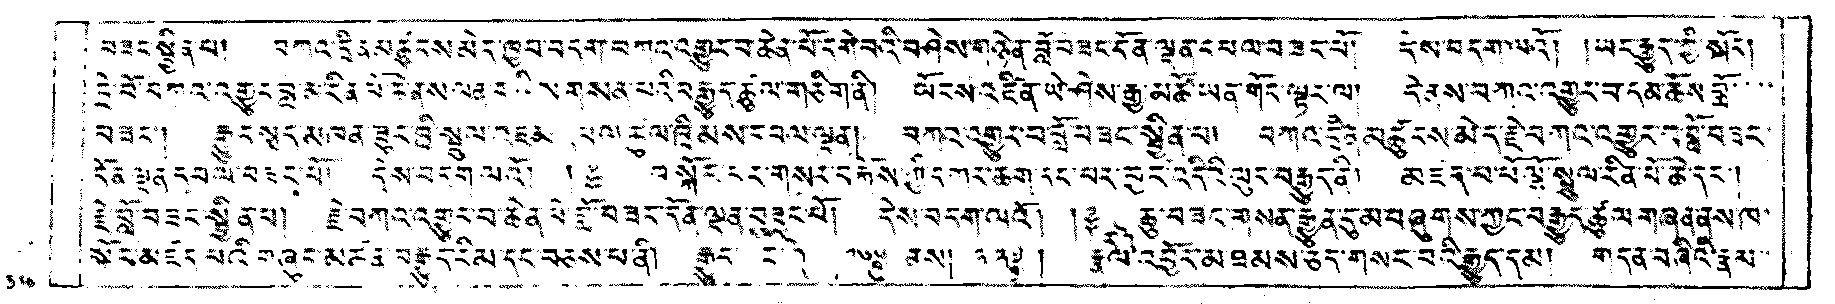བཟང་སྦྱིན་པ། བཀའ་དྲིན་མཚུངས་མེད་ཁྱབ་བདག་བཀའ་འགྱུར་བ་ཆེན་པོ་དགེ་བའི་བཤེས་གཉེན་བློ་བཟང་དོན་ལྡན་དཔལ་བཟང་པོ། དེས་བདག་ལའོ། །ཡང་རྒྱུད་ཀྱི་སྐོར།
ཏྲེ་བོ་བཀའ་འགྱུར་བླ་མ་རིན་པོ་ཆེ་ནས་ལན་གཉིས་གསན་པའི་བརྒྱུད་ཚུལ་གཅིག་ནི། ཡོངས་འཛིན་ཡེ་ཤེས་རྒྱ་མཚོ་ཡན་གོང་ལྟར་ལ། དེ་ནས་བཀའ་འགྱུར་བ་དམ་ཆོས་བློ་
བཟང་། རྒྱུད་སྨད་མཁན་ཟུར་ཁྲི་སྤྲུལ་འཇམ་དཔལ་ཚུལ་ཁྲིམས་དཔལ་ལྡན། བཀའ་འགྱུར་བ་བློ་བཟང་སྦྱིན་པ། བཀའ་དྲིན་མཚུངས་མེད་རྗེ་བཀའ་འགྱུར་བ་བློ་བཟང་
དོན་ལྡན་དཔལ་བཟང་པོ། དེས་བདག་ལའོ། །༈ ཁ་སྐོང་པར་གསར་བརྐོས་ཀྱི་དཀར་ཆག་དང་པར་བྱང་འདིའི་ལུང་བརྒྱུད་ནི། མཛད་པ་པོ་ལྷོ་སྤྲུལ་རིན་པོ་ཆེ་དང་།
རྗེ་བློ་བཟང་སྦྱིན་པ། རྗེ་བཀའ་འགྱུར་བ་ཆེན་པོ་བློ་བཟང་དོན་ལྡན་དཔལ་བཟང་པོ། དེས་བདག་ལའོ། །༈ ར}་ཆུ་བཟང་གསན་རྒྱུན་དུ་མ་བཞུགས་ཀྱང་བརྒྱུད་ཚུལ་གཞན་ནས་ཁ་
སྐོང་མཛད་པའི་གཞུང་མཚན་བརྒྱུད་རིམ་དང་བཅས་པ་ནི། རྒྱུད་ང} ༡༦༦་བ ༦་ནས། ༢༢༧་བ ༡། རྣལ་འབྱོར་མ་ཐམས་ཅད་གསང་བའི་རྒྱུད་དམ། གདན་བཞིའི་རྣམ་